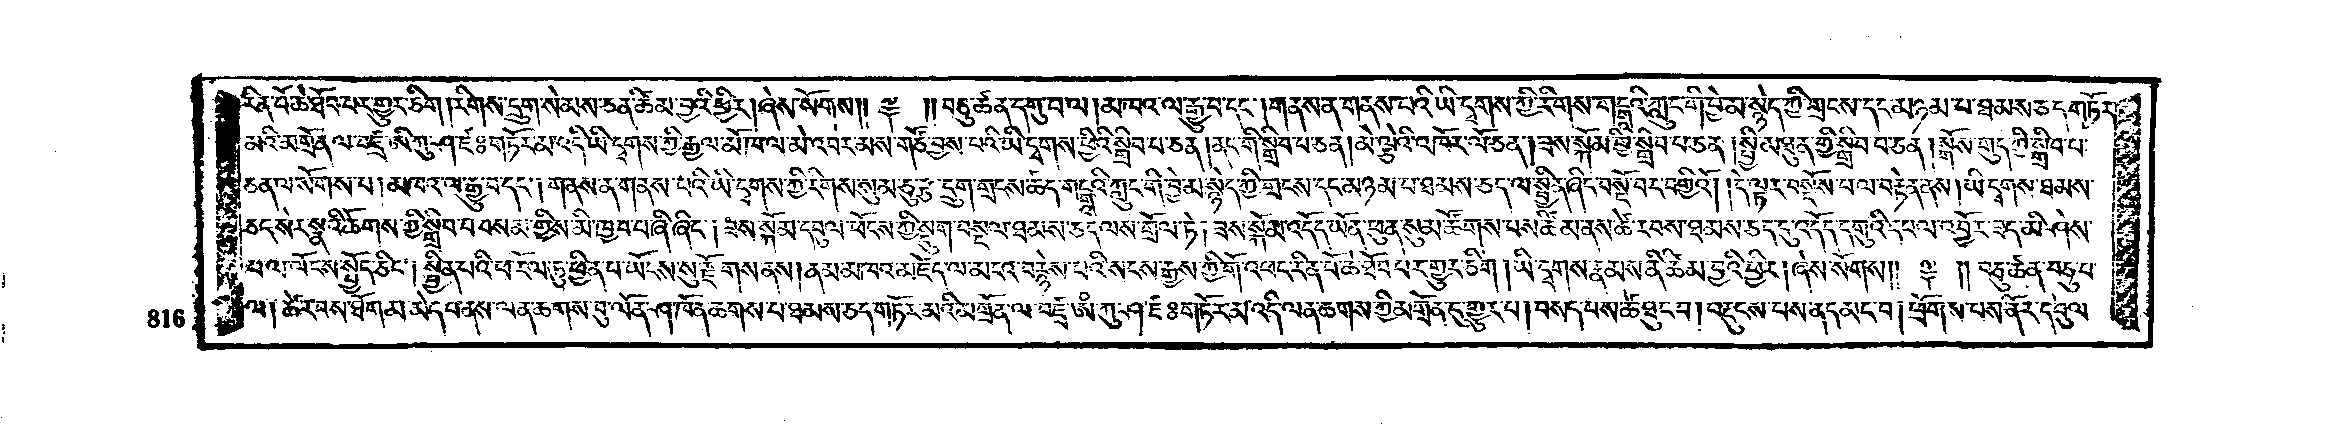རིན་པོ་ཆེ་ཐོབ་པར་གྱུར་ཅིག །རིགས་དྲུག་སེམས་ཅན་ཚིམ་བྱའི་ཕྱིར། ཞེས་སོགས།། ༈ །།བཅུ་ཚན་དགུ་པ་ལ། མཁའ་ལ་རྒྱུ་བ་དང་། གནས་ན་གནས་པའི་ཡི་དྭགས་ཀྱི་རིགས་གངྒཱའི་ཀླུང་གི་བྱེ་མ་སྙེད་ཀྱི་གྲངས་དང་མཉམ་པ་ཐམས་ཅད་གཏོར་
མའི་མགྲོན་ལ་བཛྲ་ཨཾ་ཀུ་ཤ་ཛཿ གཏོར་མ་འདི་ཡི་དྭགས་ཀྱི་རྒྱལ་མོ་ཁ་ལ་མེ་འབར་མས་གཙོ་བྱས་པའི་ཡི་དྭགས་ཕྱིའི་སྒྲིབ་པ་ཅན། ནང་གི་སྒྲིབ་པ་ཅན། མེ་ལྕེའི་འཁོར་ལོ་ཅན། ཟས་སྐོམ་གྱི་སྒྲིབ་པ་ཅན། སྤྱི་མཐུན་གྱི་སྒྲིབ་པ་ཅན། སྒོས་གུད་ཀྱི་སྒྲིབ་པ་
ཅན་ལ་སོགས་པ། མཁའ་ལ་རྒྱུ་བ་དང་། གནས་ན་གནས་པའི་ཡི་དྭགས་ཀྱི་རིགས་སུམ་ཅུ་རྩ་དྲུག་གྲངས་ཚད་གངྒཱའི་ཀླུང་གི་བྱེ་མ་སྙེད་ཀྱི་གྲངས་དང་མཉམ་པ་ཐམས་ཅད་ལ་སྦྱིན་ཞིང་བསྔོ་བར་བགྱིའོ། །དེ་ལྟར་བསྔོས་པ་ལ་བརྟེན་ནས། ཡི་དྭགས་ཐམས་
ཅད་སེར་སྣའི་ཚོགས་ཀྱི་སྒྲིབ་པ་བསམ་གྱིས་མི་ཁྱབ་པ་ཞི་ཞིང་། ཟས་སྐོམ་དབུལ་ཕོངས་ཀྱི་སྡུག་བསྔལ་ཐམས་ཅད་ལས་གྲོལ་ཏེ། ཟས་སྐོམ་འདོད་ཡོན་ཕུན་སུམ་ཚོགས་པས་ཚིམ་ནས་ཚེ་རབས་ཐམས་ཅད་དུ་འདོད་དགུའི་དཔལ་འབྱོར་ཟད་མི་ཤེས་
པ་ལ་ལོངས་སྤྱོད་ཅིང་། སྦྱིན་པའི་ཕ་རོལ་ཏུ་ཕྱིན་པ་ཡོངས་སུ་རྫོགས་ནས། ནམ་མཁའ་མཛོད་ལ་མངའ་བརྙེས་པའི་སངས་རྒྱས་ཀྱི་གོ་འཕང་རིན་པོ་ཆེ་ཐོབ་པར་གྱུར་ཅིག །ཡི་དྭགས་རྣམས་ནི་ཚིམ་བྱའི་ཕྱིར། ཞེས་སོགས།། ༈ །།བཅུ་ཚན་བཅུ་པ་
ལ། ཚེ་རབས་ཐོག་མ་མེད་པ་ནས་ལན་ཆགས་བུ་ལོན་ཤ་ཁོན་ཆགས་པ་ཐམས་ཅད་གཏོར་མའི་མགྲོན་ལ་བཛྲ་ཨཾ་ཀུ་ཤ་ཛེཿ གཏོར་མ་འདི་ལན་ཆགས་ཀྱི་མགྲོན་དུ་གྱུར་པ། བསད་པས་ཚེ་ཐུང་བ། བརྡུངས་པས་ནད་མང་བ། ཕྲོགས་པས་ནོར་དབུལ་